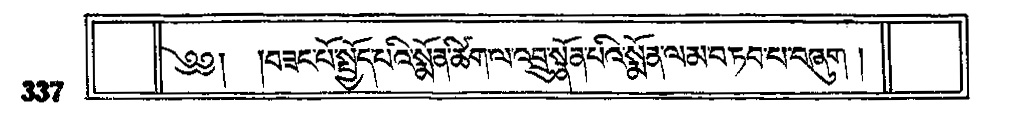༄༅། །བཟང་པོ་སྤྱོད་པའི་སྨོན་ཚིག་ལ་འབྲུ་སྨོན་པའི་སྨོན་ལམ་བཏབ་པ་བཞུག།